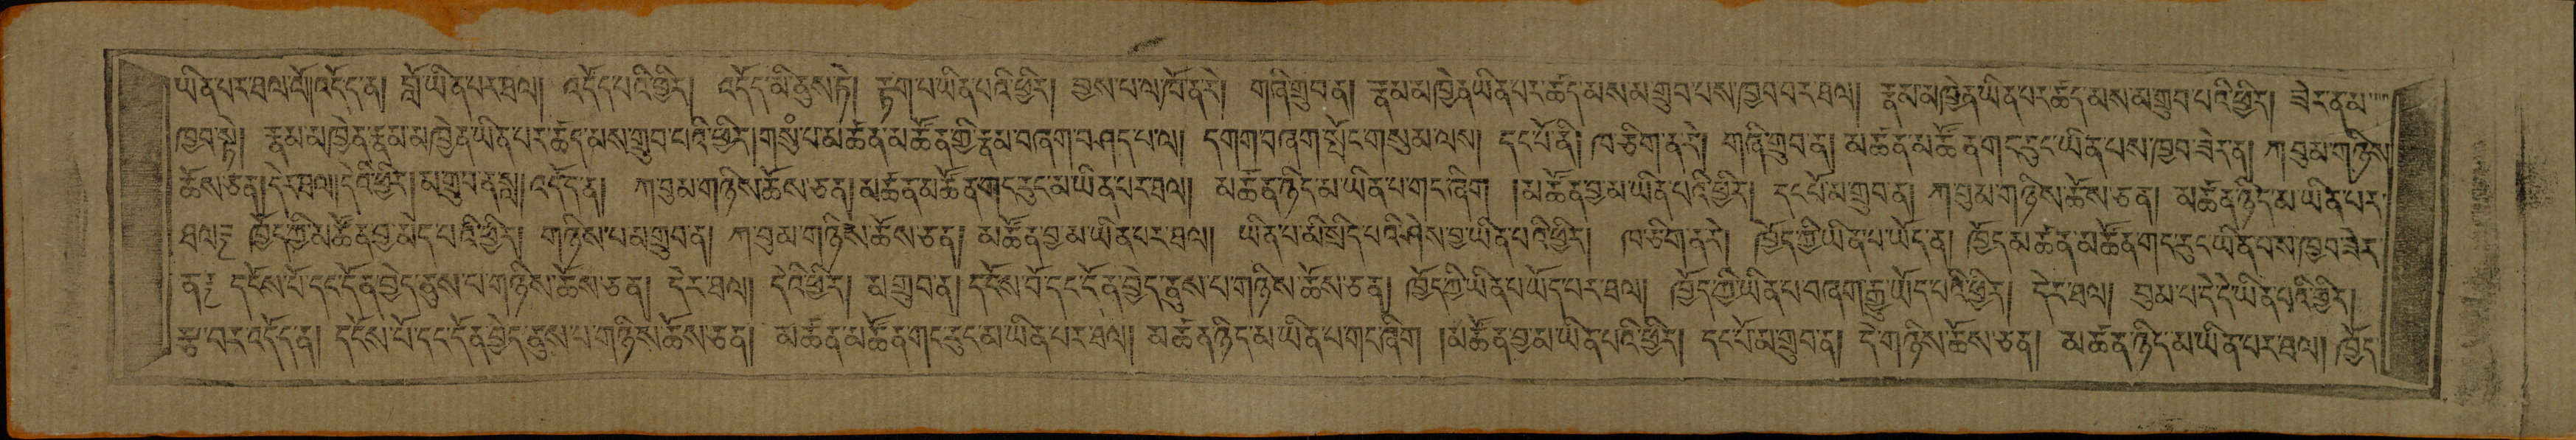ཡིན་པར་ཐལ་ལོ། །འདོད་ན། བློ་ཡིན་པར་ཐལ། འདོད་པའི་ཕྱིར། འདོད་མི་ནུས་ཏེ། རྟག་པ་ཡིན་པའི་ཕྱིར། བྱས་པ་ལ་ཁོ་ན་རེ། གཞི་གྲུབ་ན། རྣམ་མཁྱེན་ཡིན་པར་ཚད་མས་མ་གྲུབ་པས་ཁྱབ་པར་ཐལ། རྣམ་མཁྱེན་ཡིན་པར་ཚད་མས་མ་གྲུབ་པའི་ཕྱིར། ཟེར་ན་མ་
ཁྱབ་སྟེ། རྣམ་མཁྱེན་རྣམ་མཁྱེན་ཡིན་པར་ཚད་མས་གྲུབ་པའི་ཕྱིར། གསུམ་པ་མཚན་མཚོན་གྱི་རྣམ་བཞག་བཤད་པ་ལ། དགག་བཞག་སྤོང་གསུམ་ལས། དང་པོ་ནི། ཁ་ཅིག་ན་རེ། གཞི་གྲུབ་ན། མཚན་མཚོན་གང་རུང་ཡིན་པས་ཁྱབ་ཟེར་ན། ཀ་བུམ་གཉིས་
ཆོས་ཅན། དེར་ཐལ། དེའི་ཕྱིར། མ་གྲུབ་ན་སླ། འདོད་ན། ཀ་བུམ་གཉིས་ཆོས་ཅན། མཚན་མཚོན་གང་རུང་མ་ཡིན་པར་ཐལ། མཚན་ཉིད་མ་ཡིན་པ་གང་ཞིག །མཚོན་བྱ་མ་ཡིན་པའི་ཕྱིར། དང་པོ་མ་གྲུབ་ན། ཀ་བུམ་གཉིས་ཆོས་ཅན། མཚན་ཉིད་མ་ཡིན་པར་
ཐལ༑ ཁྱོད་ཀྱི་མཚོན་བྱ་མེད་པའི་ཕྱིར། གཉིས་པ་མ་གྲུབ་ན། ཀ་བུམ་གཉིས་ཆོས་ཅན། མཚོན་བྱ་མ་ཡིན་པར་ཐལ། ཡིན་པ་མི་སྲིད་པའི་ཤེས་བྱ་ཡིན་པའི་ཕྱིར། ཁ་ཅིག་ན་རེ། ཁྱོད་ཀྱི་ཡིན་པ་ཡོད་ན། ཁྱོད་མཚན་མཚོན་གང་རུང་ཡིན་པས་ཁྱབ་ཟེར་
ན༑ དངོས་པོ་དང་དོན་བྱེད་ནུས་པ་གཉིས་ཆོས་ཅན། དེར་ཐལ། དེའི་ཕྱིར། མ་གྲུབ་ན། དངོས་པོ་དང་དོན་བྱེད་ནུས་པ་གཉིས་ཆོས་ཅན། ཁྱོད་ཀྱི་ཡིན་པ་ཡོད་པར་ཐལ། ཁྱོད་ཀྱི་ཡིན་པ་བཞག་རྒྱུ་ཡོད་པའི་ཕྱིར། དེར་ཐལ། བུམ་པ་དེ་དེ་ཡིན་པའི་ཕྱིར།
རྩ་བར་འདོད་ན། དངོས་པོ་དང་དོན་བྱེད་ནུས་པ་གཉིས་ཆོས་ཅན། མཚན་མཚོན་གང་རུང་མ་ཡིན་པར་ཐལ། མཚན་ཉིད་མ་ཡིན་པ་གང་ཞིག །མཚོན་བྱ་མ་ཡིན་པའི་ཕྱིར། དང་པོ་མ་གྲུབ་ན། དེ་གཉིས་ཆོས་ཅན། མཚན་ཉིད་མ་ཡིན་པར་ཐལ། ཁྱོད་